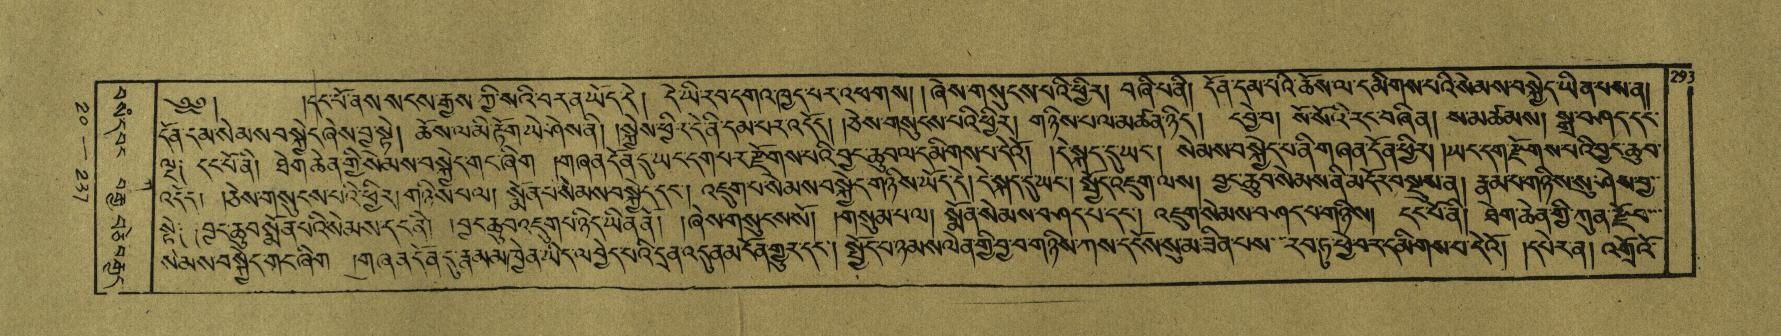༄༅། །དང་པོ་ནས་སངས་རྒྱས་ཀྱི་སའི་བར་ན་ཡོད་དེ། དེ་ཡི་རབ་དགའ་ཁྱད་པར་འཕགས། །ཞེས་གསུངས་པའི་ཕྱིར། བཞི་པ་ནི། དོན་དམ་པའི་ཆོས་ལ་དམིགས་པའི་སེམས་བསྐྱེད་ཡིན་པས་ན།
དོན་དམ་སེམས་བསྐྱེད་ཞེས་བྱ་སྟེ། ཆོས་ལ་མི་རྟོག་ཡེ་ཤེས་ནི། །སྐྱེས་ཕྱིར་དེ་ནི་དམ་པར་འདོད། །ཅེས་གསུངས་པའི་ཕྱིར། གཉིས་པ་ལ་མཚན་ཉིད། དབྱེ་བ། སོ་སོའི་རང་བཞིན། ས་མཚམས། སྒྲ་བཤད་དང་
ལྔ༑ དང་པོ་ནི། ཐེག་ཆེན་གྱི་སེམས་བསྐྱེད་གང་ཞིག །གཞན་དོན་དུ་ཡང་དག་པར་རྫོགས་པའི་བྱང་ཆུབ་ལ་དམིགས་པ་དེའོ། །དེ་སྐད་དུ་ཡང་། སེམས་བསྐྱེད་པ་ནི་གཞན་དོན་ཕྱིར། །ཡང་དག་རྫོགས་པའི་བྱང་ཆུབ་
འདོད། །ཅེས་གསུངས་པའི་ཕྱིར། གཉིས་པ་ལ། སྨོན་པ་སེམས་བསྐྱེད་དང་། འཇུག་པ་སེམས་བསྐྱེད་གཉིས་ཡོད་དེ། དེ་སྐད་དུ་ཡང་། སྤྱོད་འཇུག་ལས། བྱང་ཆུབ་སེམས་ནི་མདོར་བསྡུས་ན། རྣམ་པ་གཉིས་སུ་ཤེས་བྱ་
སྟེ༑ ༑བྱང་ཆུབ་སྨོན་པའི་སེམས་དང་ནི། །བྱང་ཆུབ་འཇུག་པ་ཉིད་ཡིན་ནོ། །ཞེས་གསུངས་སོ། །གསུམ་པ་ལ། སྨོན་སེམས་བཤད་པ་དང་། འཇུག་སེམས་བཤད་པ་གཉིས། དང་པོ་ནི། ཐེག་ཆེན་གྱི་ཀུན་རྫོབ་
སེམས་བསྐྱེད་གང་ཞིག །གཞན་དོན་དུ་རྣམ་མཁྱེན་ཡིད་ལ་བྱེད་པའི་དྲན་འདུན་མངོན་གྱུར་དང་། སྤྱོད་པ་ཉམས་ལེན་གྱི་བྱ་བ་གཉིས་ཀས་དངོས་སུ་མ་ཟིན་པས་རབ་ཏུ་ཕྱེ་བར་དམིགས་པ་དེའོ། །དཔེར་ན། འགྲོའོ་